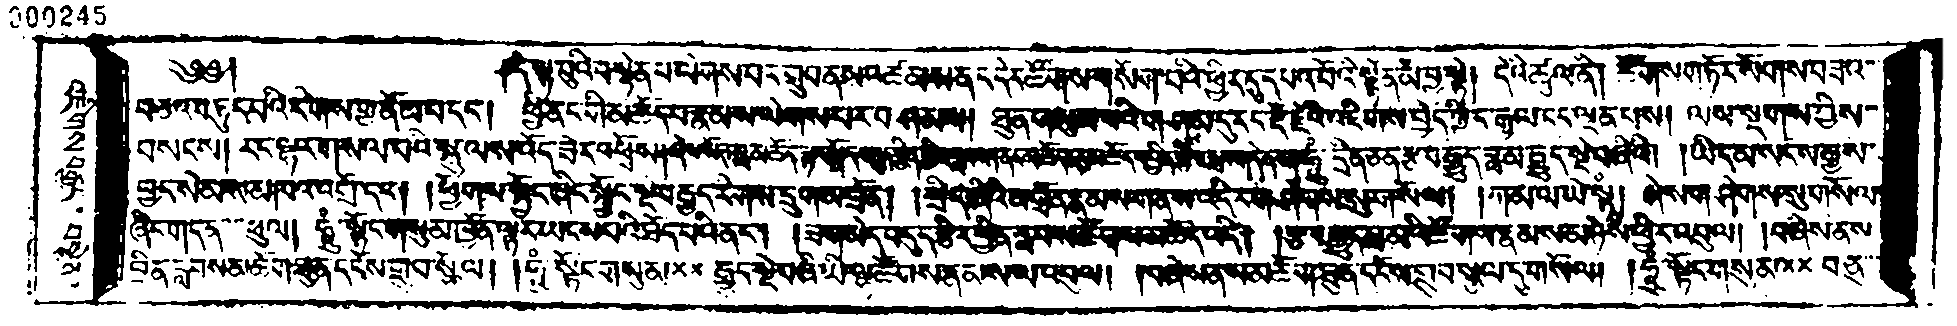༄༅། །དེ་ལྟ་བུའི་བསྙེན་པ་ལེགས་པར་གྲུབ་ནས་འཚམས་ནང་དེར་ཚོགས་གསོག་པའི་ཕྱིར་དུ་དཔའ་བོའི་སྟོན་མོ་བྱ་སྟེ། དེའི་ཚུལ་ནི། ཚོགས་གཏོར་སོགས་བཟའ་
བཅའ་བཏུང་བའི་རིགས་གྱ་ནོམ་པ་དང་། ཕྱི་ནང་གི་མཆོད་པ་རྣམས་ལེགས་པར་བཤམས། ཐུན་གསུམ་པའི་གཤམ་དུ་རང་རྡོ་རྗེའི་འཇིགས་བྱེད་ཀྱི་ང་རྒྱལ་དང་ལྡན་པས། ལས་སྔགས་ཀྱིས་
བསངས། རང་ལྷར་གསལ་བའི་སྐུ་ལས་འོད་ཟེར་འཕྲོས། ཞེས་སོགས་བླ་མཆོད་ལྟར་སྣོད་བཅུད་བྱིན་གྱིས་རླབས། ནང་མཆོད་དང་མཆོད་པ་བྱིན་གྱིས་རླབས། དེ་ནས།  ཧཱུཾ་དྲིན་ཅན་རྩ་བརྒྱུད་བླ་མ་རྒྱུད་སྡེ་བཞིའི། །ཡི་དམ་སངས་རྒྱས་
བྱང་སེམས་མཁའ་འགྲོ་དང་། །ཕྱོགས་སྐྱོང་ཞིང་སྐྱོང་སྡེ་བརྒྱད་རིགས་དྲུག་མགྲོན། །སྲིད་ཞིའི་མགྲོན་རྣམས་གནས་འདིར་གཤེགས་སུ་གསོལ། །ཀ་མ་ལ་ཡེ་སྟྭཾ། ཞེས་གཤེགས་སུ་གསོལ་
ཞིང་གདན་ཕུལ། ཧཱུཾ་སྟོང་གསུམ་ཁྱོན་ལྟར་ཡངས་པའི་ཐོད་པའི་ནང་། །ཟག་མེད་བདུད་རྩིར་བྱིན་རླབས་ཚོགས་མཆོད་འདི། །རྩ་བརྒྱུད་བླ་མའི་ཚོགས་རྣམས་མཉེས་ཕྱིར་འབུལ། །བཞེས་ནས་
བྱིན་རླབས་མཆོག་ཐུན་དངོས་གྲུབ་སྩོལ། །ཧཱུཾ་སྟོང་གསུམ྾྾་རྒྱུད་སྡེ་བཞི་ཡི་ལྷ་ཚོགས་རྣམས་ལ་འབུལ། །བཞེས་ནས་མཆོག་ཐུན་དངོས་གྲུབ་སྩལ་དུ་གསོལ། །ཧཱུཾ་སྟོང་གསུམ྾྾་བཅུ་